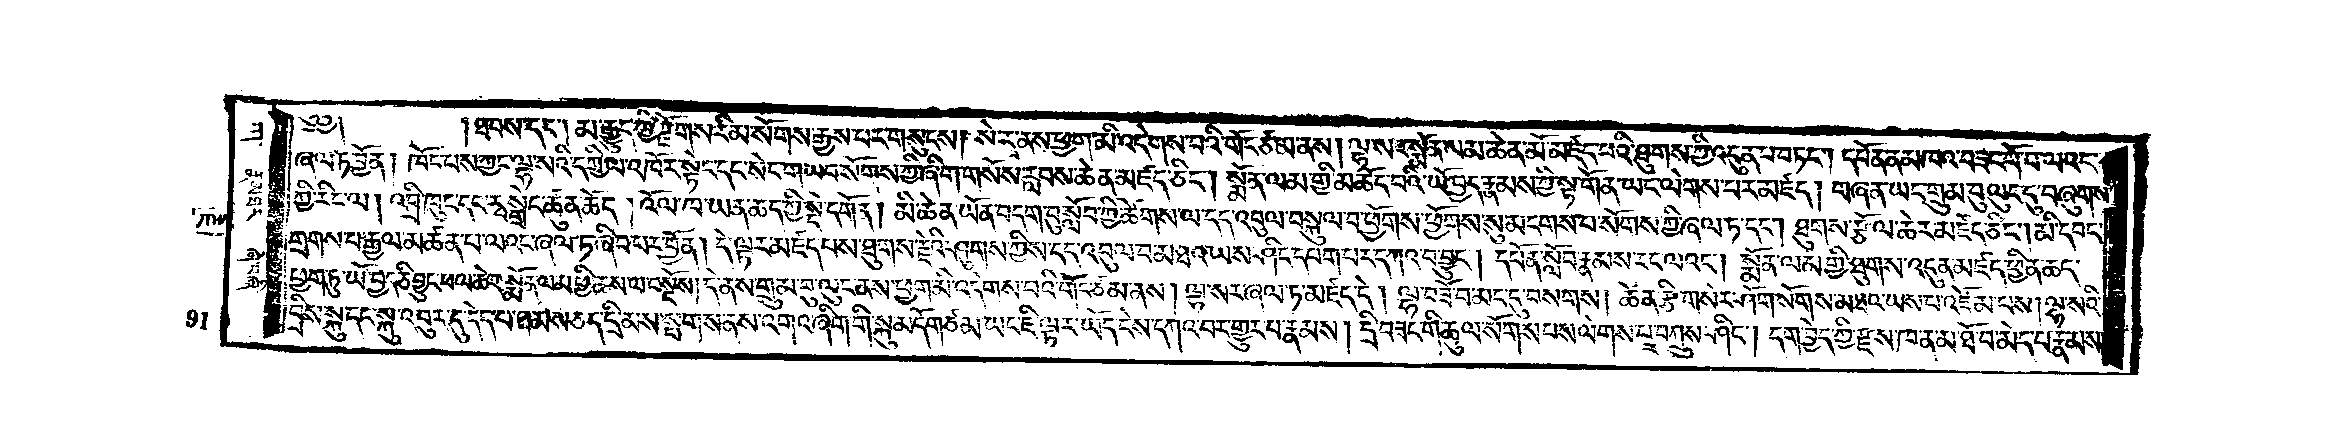༄༅། །ཐབས་དང་། མ་རྒྱུད་ཀྱི་རྫོགས་རིམ་སོགས་རྒྱས་པར་གསུངས། སེ་རྭ་ནས་ཕྱག་མི་འདེགས་པའི་གོང་ཙམ་ནས། ལྷ་སར་སྨོན་ལམ་ཆེན་མོ་མཛད་པའི་ཐུགས་ཀྱི་འདུན་པ་བཏང་། དཔོན་ནམ་མཁའ་བཟང་གོ་བ་ལའང་
ཞལ་ཏ་བྱོན། ཁོང་པས་ཀྱང་ལྷ་སའི་དཀྱིལ་འཁོར་སྟེང་དང་སེང་གཡབ་སོགས་ཀྱི་ཞིག་གསོས་རླབས་ཆེན་མཛད་ཅིང་། སྨོན་ལམ་གྱི་མཆོད་པའི་ཡོ་བྱད་རྣམས་ཀྱི་སྟ་གོན་ཡང་ལེགས་པར་མཛད། གཞན་ཡང་གྲུམ་བུ་ལུང་དུ་བཞུགས་
ཀྱི་རིང་ལ། འབྲི་ཁུང་དང་རྭ་སྒྲེང་ཚུན་ཆོད་།འོལ་ཁ་ཡན་ཆད་ཀྱི་སྡེ་དགོན། མི་ཆེན་ཡོན་བདག་བུ་སློབ་ཀྱི་ཚེགས་ལ་དད་འབུལ་བསྐུལ་བ་ཕྱོགས་ཕྱོགས་སུ་མངགས་པ་སོགས་ཀྱི་ཞལ་ཏ་དང་། ཐུགས་རྩོལ་ཆེར་མཛད་ཅིང་། མི་དབང་
གྲགས་པ་རྒྱལ་མཚན་པ་ལའང་ཞལ་ཏ་ཞིབ་པར་བྱོན། དེ་ལྟར་མཛད་པས་ཐུགས་རྗེའི་ཤུགས་ཀྱིས་དད་འབུལ་བ་མཐའ་ཡས་ཤིང་དཔག་པར་དཀའ་བ་བྱུང་། དཔོན་སློབ་རྣམས་རང་ལའང་། སྨོན་ལམ་གྱི་ཐུགས་འདུན་མཛད་ཕྱིན་ཆད་
ཕྱག་ཏུ་ཡོ་བྱད་ཅི་བྱུང་ཕལ་ཆེར་སྨོན་ལམ་ཕྱི་ཆས་ལ་བསྔོས། དེ་ནས་གྲུམ་བུ་ལུང་ནས་ཕྱག་མི་འདེགས་པའི་གོང་ཙམ་ནས། ལྷ་སར་ཞལ་ཏ་མཛད་དེ། ལྷ་བཟོ་བ་མང་དུ་བསགས། ཚེན་རྩི་གསེར་ཤོག་སོགས་མཐའ་ཡས་པ་འཛོམ་པས། ལྷ་སའི་
བྲིས་སྐུ་དང་སྐུ་འབུར་དུ་དེད་པ་ཐམས་ཅད་དྲི་མས་སྤགས་ནས་འགའ་ཞིག་གི་སྐུ་མདོག་ཙམ་ཡང་ཇི་ལྟར་ཡོད་ངེས་དཀའ་བར་གྱུར་པ་རྣམས། དྲི་བཟང་གི་ཆུ་ལ་སོགས་པས་ལེགས་པར་བཀྲུས་ཤིང་། དག་བྱེད་ཀྱི་རྫས་ཁ་ན་མ་ཐོ་བ་མེད་པ་རྣམས་